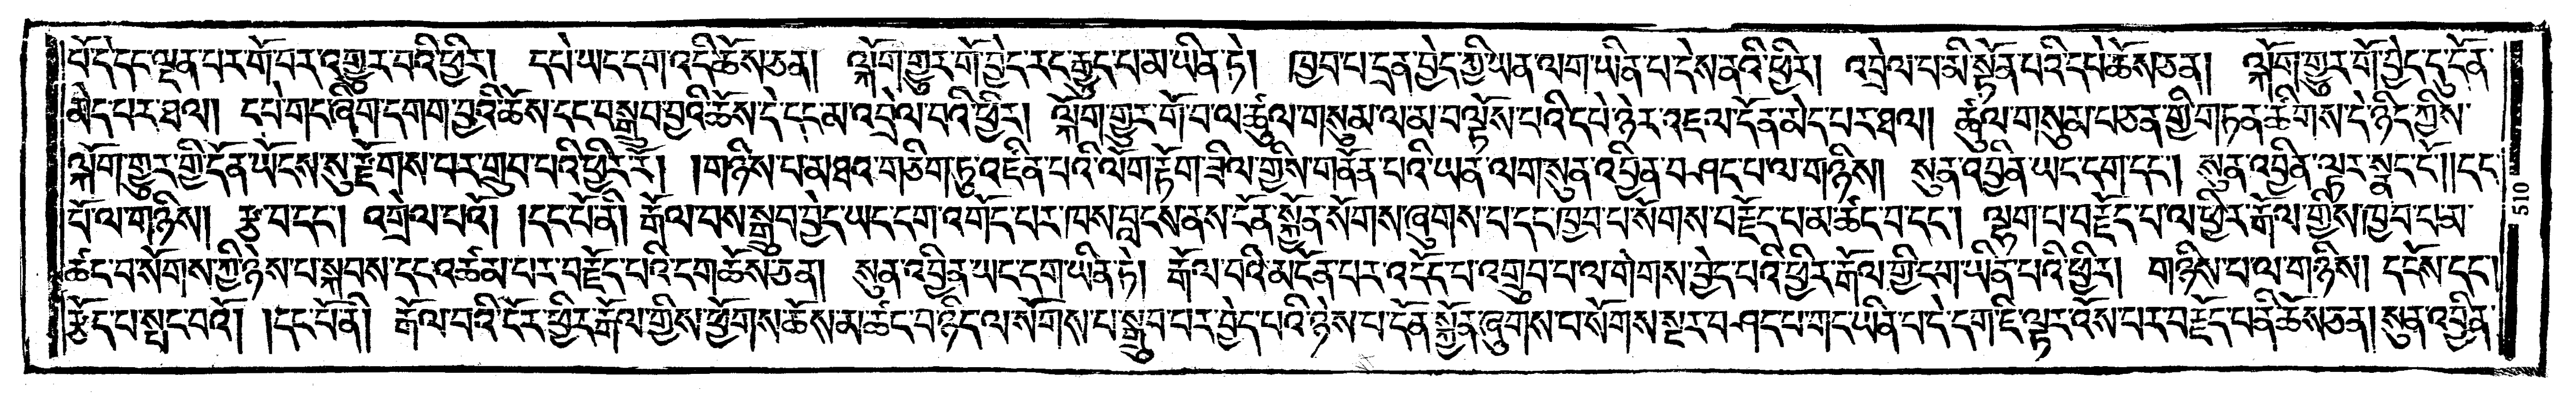པོ་དེ་དང་ལྡན་པར་གོ་བར་འགྱུར་བའི་ཕྱིར། དཔེ་ཡང་དག་འདི་ཆོས་ཅན། ལྐོག་གྱུར་གོ་བྱེད་རང་རྒྱུད་པ་མ་ཡིན་ཏེ། ཁྱབ་པ་དྲན་བྱེད་ཀྱི་ཡན་ལག་ཡིན་པ་དེས་ནའི་ཕྱིར། འབྲེལ་པ་མི་སྟོན་པའི་དཔེ་ཆོས་ཅན། ལྐོག་གྱུར་གོ་བྱེད་དུ་དོན་
མེད་པར་ཐལ། དཔེ་གང་ཞིག་དགག་བྱའི་ཆོས་དང་བསྒྲུབ་བྱའི་ཆོས་དེ་དང་མ་འབྲེལ་བའི་ཕྱིར། ལྐོག་གྱུར་གོ་བ་ལ་ཚུལ་གསུམ་ལ་མ་བལྟོས་པའི་དཔེ་ཉེར་འཇལ་དོན་མེད་པར་ཐལ། ཚུལ་གསུམ་པ་ཅན་གྱི་གཏན་ཚིགས་དེ་ཉིད་ཀྱིས་
ལྐོག་གྱུར་གྱི་དོན་ཡོངས་སུ་རྫོགས་པར་གྲུབ་པའི་ཕྱིར་རོ། །གཉིས་པ་མཐའ་གཅིག་ཏུ་འཛིན་པའི་ལོག་རྟོག་ཟིལ་གྱིས་གནོན་པའི་ཡན་ལག་སུ་ན་འབྱིན་བཤད་པ་ལ་གཉིས། སུན་འབྱིན་ཡང་དག་དང་། སུན་འབྱིན་ལྟར་སྣང་ངོ། །དང་
པོ་ལ་གཉིས། རྩ་བ་དང་། འགྲེལ་པའོ། །དང་པོ་ནི། རྒོལ་བས་སྒྲུབ་བྱེད་ཡང་དག་འགོད་པར་ཁས་བླངས་ནས་དོན་སྐྱོན་སོགས་ཞུགས་པ་དང་ཁྱབ་པ་སོགས་བརྗོད་པ་མ་ཚང་བ་དང་། ལྷག་པ་བརྗོད་པ་ལ་ཕྱིར་རྒོལ་གྱིས་ཁྱབ་པ་མ་
ཚང་བ་སོགས་ཀྱི་ཉེས་པ་སྐབས་དང་འཚམ་པར་བརྗོད་པའི་ངག་ཆོས་ཅན། སུན་འབྱིན་ཡང་དག་ཡིན་ཏེ། རྒོལ་བའི་མངོན་པར་འདོད་པ་འགྲུབ་པ་ལ་གེགས་བྱེད་པའི་ཕྱིར་རྒོལ་གྱི་ངག་ཡིན་པའི་ཕྱིར། གཉིས་པ་ལ་གཉིས། དངོས་དང་།
རྩོད་པ་སྤང་བའོ། །དང་པོ་ནི། རྒོལ་བའི་ངོར་ཕྱིར་རྒོལ་གྱིས་ཕྱོགས་ཆོས་མ་ཚང་བ་ཉིད་ལ་སོགས་པ་སྒྲུབ་པར་བྱེད་པའི་ཉེས་པ་དོན་སྐྱོན་ཞུགས་པ་སོགས་སྔར་བཤད་པ་གང་ཡིན་པ་དེ་དག་ཇི་ལྟར་འོས་པར་བརྗོད་པ་ནི་ཆོས་ཅན། སུན་འབྱིན་